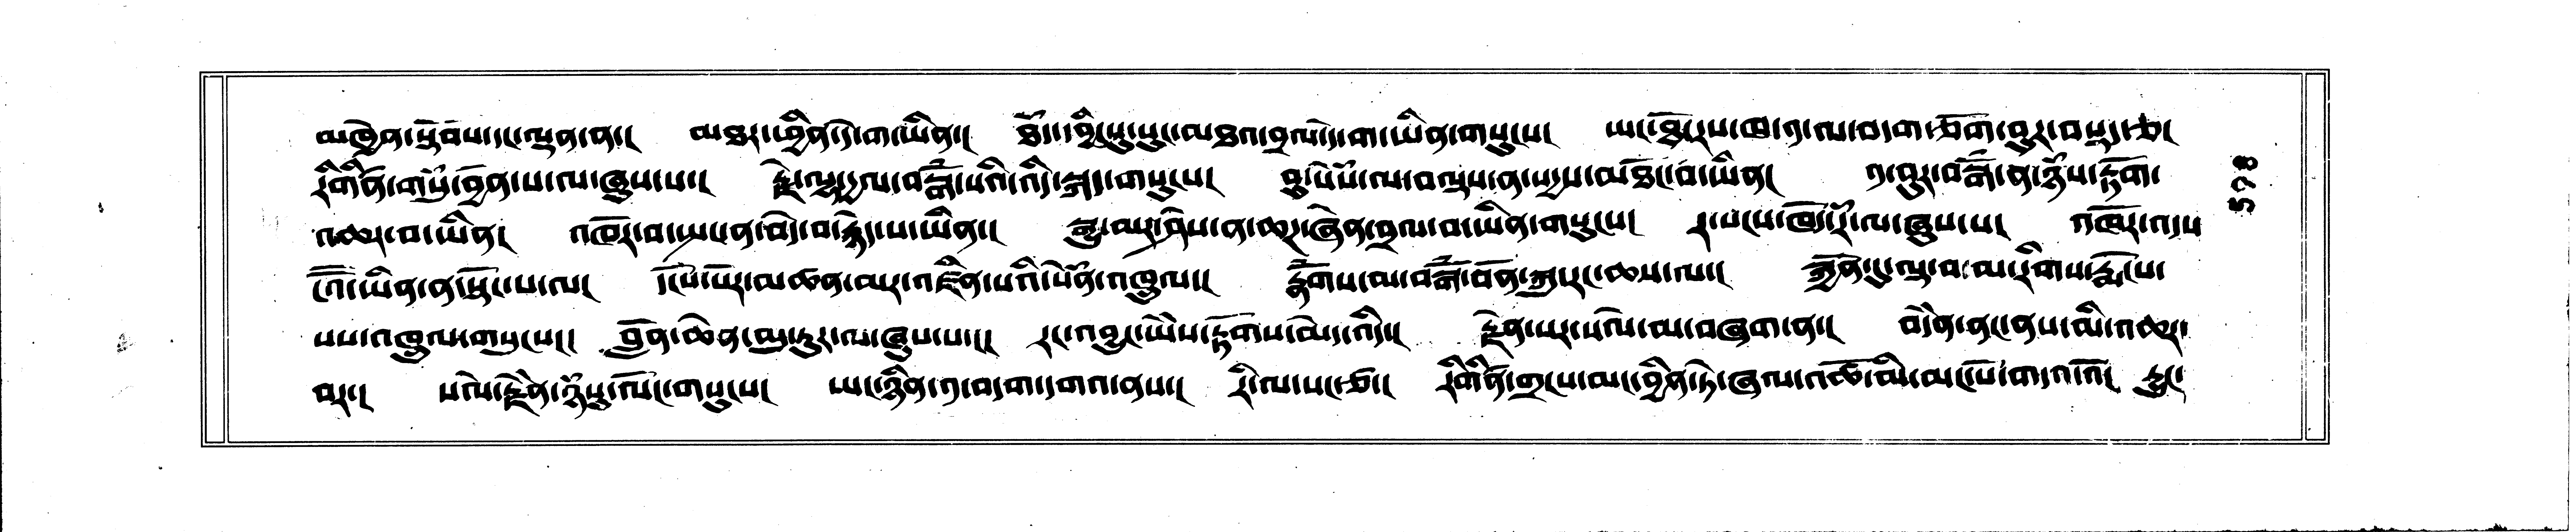མཁྱེན་སྟོབས་དང་ལྡན་ན་མཐར་ཕྱིན་དེ་ཀ་ཡིན། ཐམས་ཅན་དབྱིངས་སུ་སངས་ན་མཐའ་བྲལ་དེ་ཀ་ཡིན་གསུངས། ཡང་ཐོ་རང་༼རེངས༽ཁ་གཅིག་ཅོག་བུར་བསྡད་ཙ། 
རིག་འཛིན་གསུམ་བྱོན་པ་ལ་ཞུས་པས། རྗེ་རྒྱལ་ལྷ་སྒོམས་ཀྱི་འདི་སྐད་གསུངས། བུ་སེམས་ལ་བལྟས་ན་སངས་རྒྱས་མཐོང་བ་ཡིན། གཅིག་བུར་སྒོམ་ན་ཉམས་རྟོགས་
འཆར་བ་ཡིན། འཁོར་བ་སྤང་ན་བདེ་བ་རྙེད་པ་ཡིན། སྒྱུ་མར་ཤེས་ན་ཆགས་ཞེན་བྲལ་བ་ཡིན་གསུངས། ར་སངས་ཁོད་རམ་ལ་ཞུས་པ། འཁོར་འདས་
ངོའོ་ཡེ་ནས་སྟོང་པ་ལ། དངོས་པོ་མཚན་མར་འཛིན་པ་སེམས་ཅན་འཁྲུལ། རྣམ་རྟོག་མ་སྒོམ་བོན་སྐུ་རང་ཆས་ཡིན། སྐྱོན་དུ་བལྟས་
པས་མ་རིག་རྨོངས་པ་འཁྲུལ། བླ་”བློན”ཆེན་མུ་ཐུར་ལ་ཞུས་པས། རང་འབྱུང་ཡེ་ཤེས་རྟོག་མེད་འདི། རྗེན་པར་སལེ་བཞག་སིན་ན། བདེ་ཆེན་ངང་ནས་འཆར་
བས་སལེ་རྗེན་ནེ་ཉམས་སུ་ལོང་གསུངས། ཡང་བདག་ཉིད་གཅིག་ཉམས་དགའ་རི་ལ་སོང་ཙམ་ན། རིག་འཛིན་གྲངས་མེད་བྱོན་ཏེ། ཞལ་འཚོ་མི་འཚོ་མང་དོ། རྒྱུང་